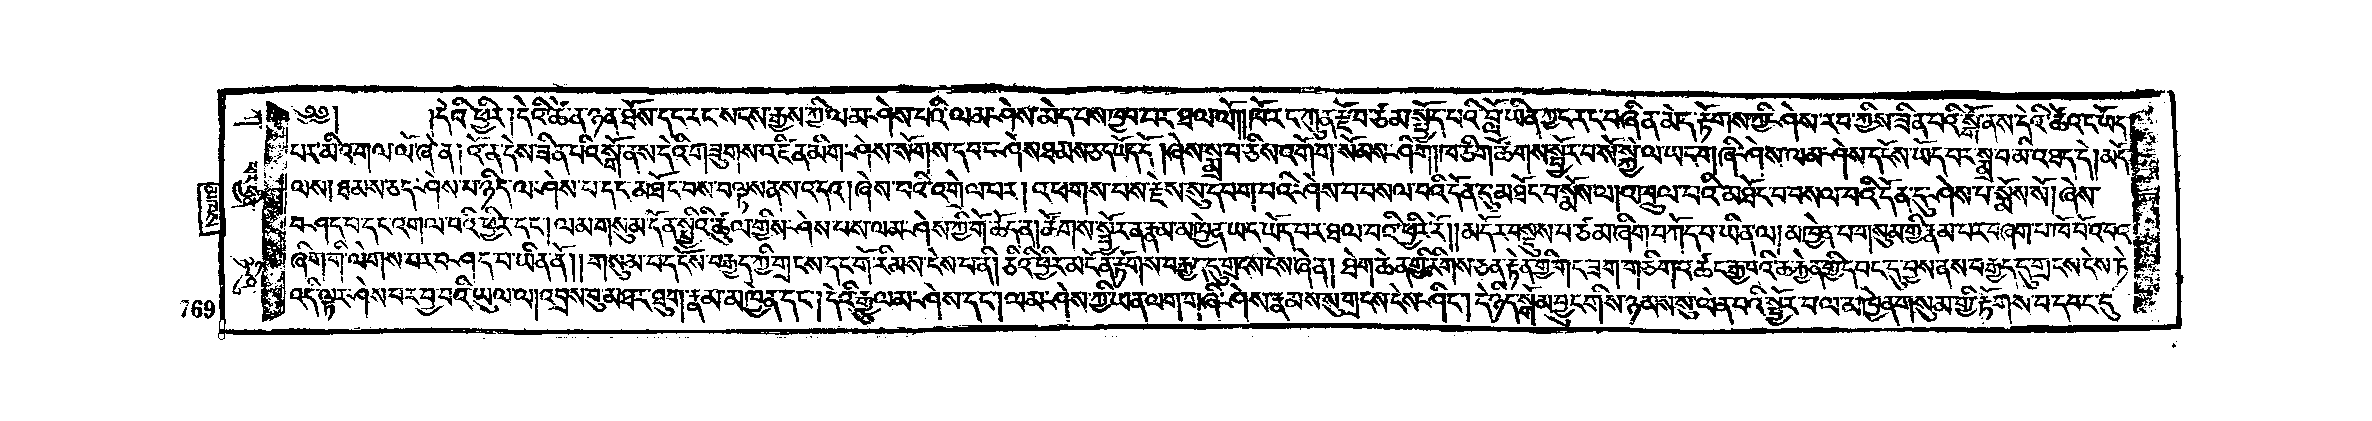༄༅། །དེའི་ཕྱིར། དེའི་ཚེ་ན་ཉན་ཐོས་དང་རང་སངས་རྒྱས་ཀྱི་ལམ་ཤེས་པའི་ལམ་ཤེས་མེད་པས་ཁྱབ་པར་ཐལ་ལོ། །ཁོ་རང་ཀུན་རྫོབ་ཙམ་སྤྱོད་པའི་བློ་ཡིན་ཀྱང་རང་བཞིན་མེད་རྟོགས་ཀྱི་ཤེས་རབ་ཀྱིས་ཟིན་པའི་སྒོ་ནས་དེའི་ཚེའང་ཡོད་
པར་མི་འགལ་ལོ་ཞེ་ན། འོ་ན་དེས་ཟིན་པའི་སྒོ་ནས་དེའི་གཟུགས་འཛིན་མིག་ཤེས་སོགས་དབང་ཤེས་ཐམས་ཅད་ཡོད་དོ། ཞེས་སྨྲ་བ་ཅིས་འགོག་སོམས་ཤིག། ཁ་ཅིག་ཚོགས་སྦྱོར་བ་སོ་སྐྱེ་ལ་ཡང་གཞི་ཤེས་ལམ་ཤེས་དངོས་ཡོད་པར་སྨྲ་བ་མི་འཐད་དེ། མདོ་
ལས། ཐམས་ཅད་ཤེས་པ་ཉིད་ལ་ཤེས་པ་དང་མཐོང་བས་བལྟས་ནས་འདའ། ཞེས་པའི་འགྲེལ་པར། འཕགས་པས་རྗེས་སུ་དཔག་པའི་ཤེས་པ་བསལ་བའི་དོན་དུ་མཐོང་བ་སྨོས་ལ། འཁྲུལ་པའི་མཐོང་བ་བསལ་བའི་དོན་དུ་ཤེས་པ་སྨོས་སོ། ཞེས་
བཤད་པ་དང་འགལ་བའི་ཕྱིར་དང་། ལམ་གསུམ་དོན་སྤྱིའི་ཚུལ་གྱིས་ཤེས་པས་ལམ་ཤེས་ཀྱི་གོ་ཆོད་ན། ཚོགས་སྦྱོར་ན་རྣམ་མཁྱེན་ཡང་ཡོད་པར་ཐལ་བའི་ཕྱིར་རོ། །མདོར་བསྡུས་པ་ཙམ་ཞིག་བཀོད་པ་ཡིན་ལ། མཁྱེན་པ་གསུམ་གྱི་རྣམ་པར་བཞག་པ་ཁོ་བོ་འབའ་
ཞིག་གི་ལེགས་པར་བཤད་པ་ཡིན་ནོ། །གསུམ་པ་དངོས་བརྒྱད་ཀྱི་གྲངས་དང་གོ་རིམས་ངེས་པ་ནི། ཅིའི་ཕྱིར་མངོན་རྟོགས་བརྒྱད་དུ་གྲངས་ངེས་ཞེ་ན། ཐེག་ཆེན་གྱི་རིགས་ཅན་རྟེན་གྱི་གང་ཟག་གཅིག་འཚང་རྒྱ་བའི་ཆ་རྐྱེན་གྱི་དབང་དུ་བྱས་ནས་བརྒྱད་དུ་གྲངས་ངེས་ཏེ་
འདི་ལྟར་ཤེས་པར་བྱ་བའི་ཡུལ་ལ། འབྲས་བུ་མཐར་ཐུག་རྣམ་མཁྱེན་དང་། དེའི་རྒྱུ་ལམ་ཤེས་དང་། ལམ་ཤེས་ཀྱི་ཡན་ལག་གཞི་ཤེས་རྣམས་སུ་གྲངས་ངེས་ཤིང་། དེ་ཉིད་སྒོམ་བྱུང་གིས་ཉམས་སུ་ལེན་པའི་སྦྱོར་བ་ལ་མཁྱེན་གསུམ་གྱི་རྟོགས་པ་དབང་དུ་